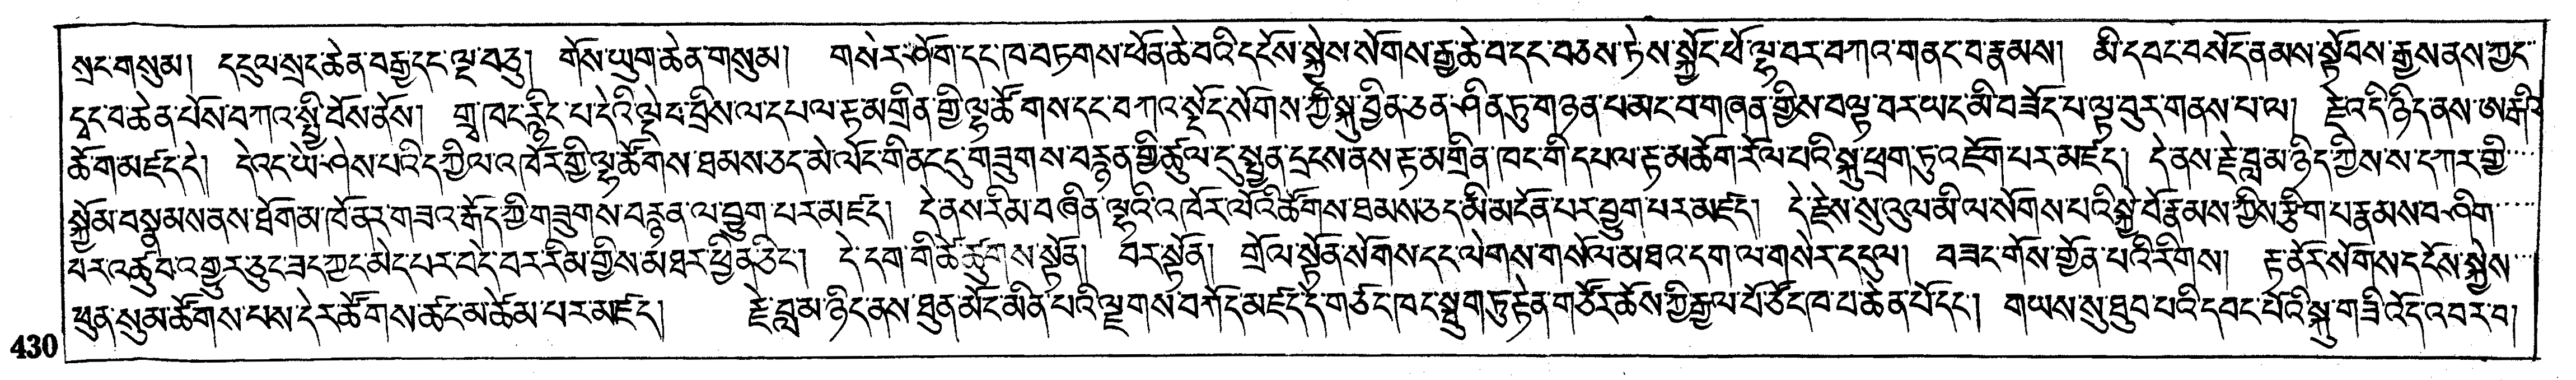སྲང་གསུམ། དངུལ་སྲང་ཆེན་བརྒྱ་དང་ལྔ་བཅུ། གོས་ཡུག་ཆེན་གསུམ། གསེར་ཤོག་དང་ཁ་བཏགས་ཕོན་ཆེ་བའི་དངོས་སྐྱེས་སོགས་རྒྱ་ཆེ་བ་དང་བཅས་ཏེ་ས་སྐྱོང་ཕོ་ལྷ་བར་བཀའ་གནང་བ་རྣམས། མི་དབང་བསོད་ནམས་སྟོབས་རྒྱས་ནས་ཀྱང་།
དང་བ་ཆེན་པོས་བཀའ་སྦྱི་བོས་ནོས། གྲྭ་ཁང་རྙིང་པ་དེའི་ལྡེབ་བྲིས་ལ་དཔལ་རྟ་མགྲིན་གྱི་ལྷ་ཚོགས་དང་བཀའ་སྡོད་སོགས་ཀྱི་སྐུ་བྱིན་ཅན་ཤིན་ཏུ་གཉན་པ་མང་བ་གཞན་གྱིས་བལྟ་བར་ཡང་མི་བཟོད་པ་ལྷ་བུར་གནས་པ་ལ། རྗེ་འདི་ཉིད་ནས་ཨརྒའི་
ཆོ་ག་མཛད་དེ། དེའང་ཡེ་ཤེས་པའི་དཀྱིལ་འཁོར་གྱི་ལྷ་ཚོགས་ཐམས་ཅད་མེ་ལོང་གི་ནང་དུ་གཟུགས་བརྙན་གྱི་ཚུལ་དུ་སྤྱན་དྲངས་ནས་རྟ་མགྲིན་ཁང་གི་དཔལ་རྟ་མཆོག་རོལ་པའི་སྐུ་ཕྲག་ཏུ་འཇོག་པར་མཛད། དེ་ནས་རྗེ་བླ་མ་ཉིད་ཀྱིས་ས་དཀར་གྱི་
སྐྱོམ་བསྣམས་ནས་ཐོག་མ་ཁོ་ནར་གཟའ་རྒོད་ཀྱི་གཟུགས་བརྙན་ལ་བྱུག་པར་མཛད། དེ་ནས་རིམ་བཞིན་ལྷའི་འཁོར་ལོའི་ཆོགས་ཐམས་ཅད་མི་མངོན་པར་བྱུག་པར་མཛད། དེ་རྗེས་སུ་འུལ་མི་ལ་སོགས་བའི་སྐྱེ་བོ་རྣམས་ཀྱིས་རྩིག་པ་རྣམས་བཤིག་
པར་འཚུབ་འགྱུར་ཅུང་ཟད་ཀྱང་མེད་བར་བདེ་བར་རིམ་གྱིས་མཐར་ཕྱིན་ཅིང་། དེ་དག་གི་ཚེ་ཚུགས་སྟོན། བར་སྟོན། གྲོལ་སྟོན་སོགས་དང་ལེགས་གསོལ་མཐའ་དག་ལ་གསེར་དངུལ། བཟང་གོས་གྱོན་པའི་རིགས། རྟ་ནོར་སོགས་དངོས་སྐྱེས་
ཕུན་སུམ་ཚོགས་པས་དེར་ཚོགས་ཚང་མ་ཚིམ་པར་མཇད། རྗེ་བླ་མ་ཉིད་ནས་ཐུན་མོང་མིན་པའི་ལྗགས་བཀོད་མཛད་དེ་གཙང་ཁང་སྦུག་ཏུ་རྟེན་གཙོར་ཆོས་ཀྱི་རྒྱལ་པོ་ཙོང་ཁ་པ་ཆེན་པོ་དང་། གཡས་སུ་ཐུབ་པའི་དབང་པོའི་སྐུ་གཟི་འོད་འབར་བ་